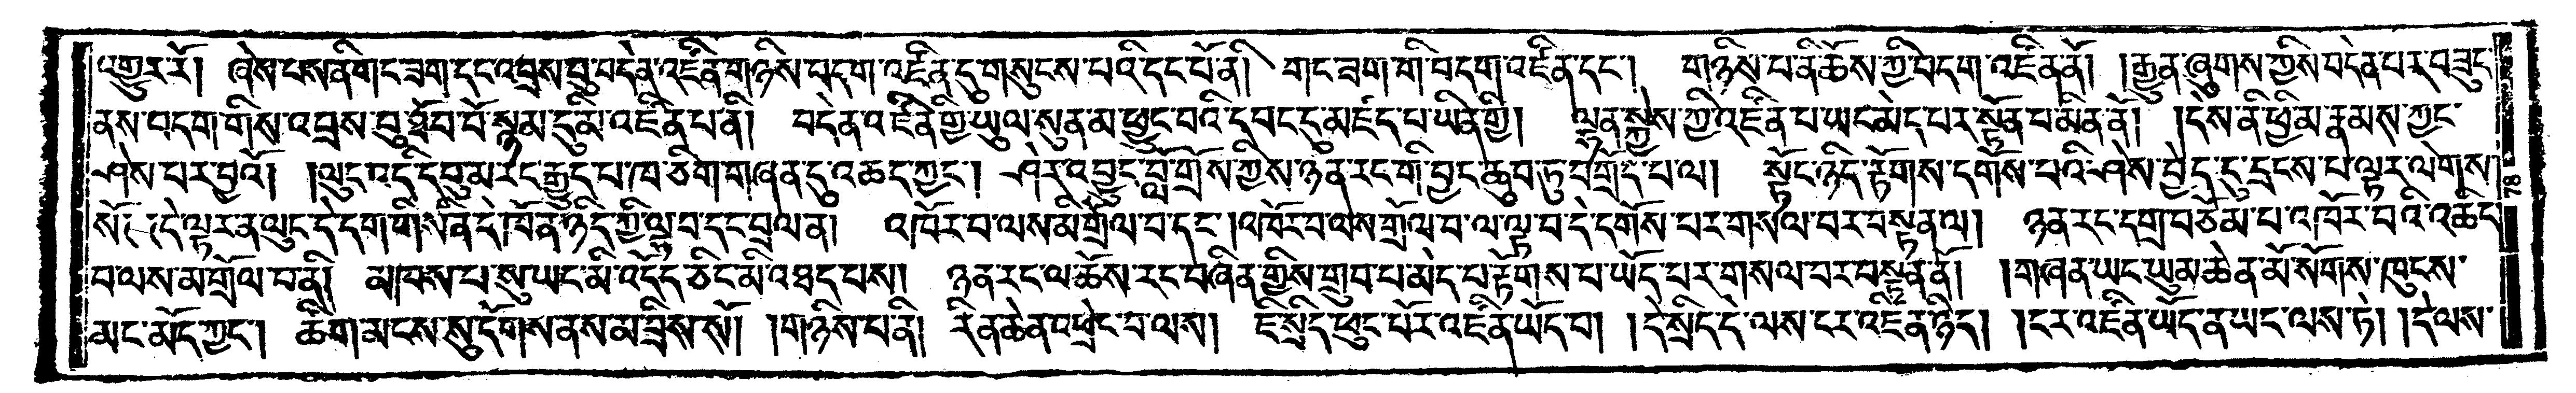འགྱུར་རོ། ཞེས་པས་ནི་གང་ཟག་དང་འབྲས་བུ་བདེན་འཛིན་གཉིས་བདག་འཛིན་དུ་གསུངས་པའི་དང་པོ་ནི། གང་ཟག་གི་བདག་འཛིན་དང་། གཉིས་པ་ནི་ཆོས་ཀྱི་བདག་འཛིན་ནོ། །རྒྱུན་ཞུགས་ཀྱིས་བདེན་པར་བཟུང་
ནས་བདག་གིས་འབྲས་བུ་ཐོབ་བོ་སྙམ་དུ་མི་འཛིན་པ་ནི། བདེན་འཛིན་གྱི་ཡུལ་སུན་མ་ཕྱུང་བའི་དབང་དུ་མཛད་པ་ཡིན་གྱི། ལྷན་སྐྱེས་ཀྱི་འཛིན་པ་ཡང་མེད་པར་སྟོན་པ་མིན་ནོ། །དེས་ནི་ཕྱི་མ་རྣམས་ཀྱང་
ཤེས་པར་བྱའོ། །ལུང་འདི་དབུ་མ་རང་རྒྱུད་པ་ཁ་ཅིག་གཞན་དུ་འཆད་ཀྱང་། ཤེར་འབྱུང་བློ་གྲོས་ཀྱིས་ཉན་རང་གི་བྱང་ཆུབ་ཏུ་བགྲོད་པ་ལ། སྟོང་ཉིད་རྟོགས་དགོས་པའི་ཤེས་བྱེད་དུ་དྲངས་པ་ལྟར་ལེགས་
སོ༑ ༑དེ་ལྟར་ན་ལུང་དེ་དག་གིས་ནི་དེ་ཁོ་ན་ཉིད་ཀྱི་ལྟ་བ་དང་བྲལ་ན། འཁོར་བ་ལས་མི་གྲོལ་བ་དང་། འཁོར་བ་ལས་གྲོལ་བ་ལ་ལྟ་བ་དེ་དགོས་པར་གསལ་བར་བསྟན་ལ། ཉན་རང་དགྲ་བཅོམ་པ་འཁོར་བའི་འཆིང་
བ་ལས་མ་གྲོལ་བ་ནི། མཁས་པ་སུ་ཡང་མི་འདོད་ཅིང་མི་འཐད་པས། ཉན་རང་ལ་ཆོས་རང་བཞིན་གྱིས་གྲུབ་པ་མེད་པ་རྟོགས་པ་ཡོད་པར་གསལ་བར་བསྟན་ནོ། །གཞན་ཡང་ཡུམ་ཆེན་མོ་སོགས་ཁུངས་
མང་མོད་ཀྱང་། ཚིག་མངས་སུ་དོགས་ནས་མ་བྲིས་སོ། །གཉིས་པ་ནི། རིན་ཆེན་འཕྲེང་བ་ལས། ཇི་སྲིད་ཕུང་པོར་འཛིན་ཡོད་པ། །དེ་སྲིད་དེ་ལ་ངར་འཛིན་ཉིད། །ངར་འཛིན་ཡོད་ན་ཡང་ལས་ཏེ། །དེ་ལས་